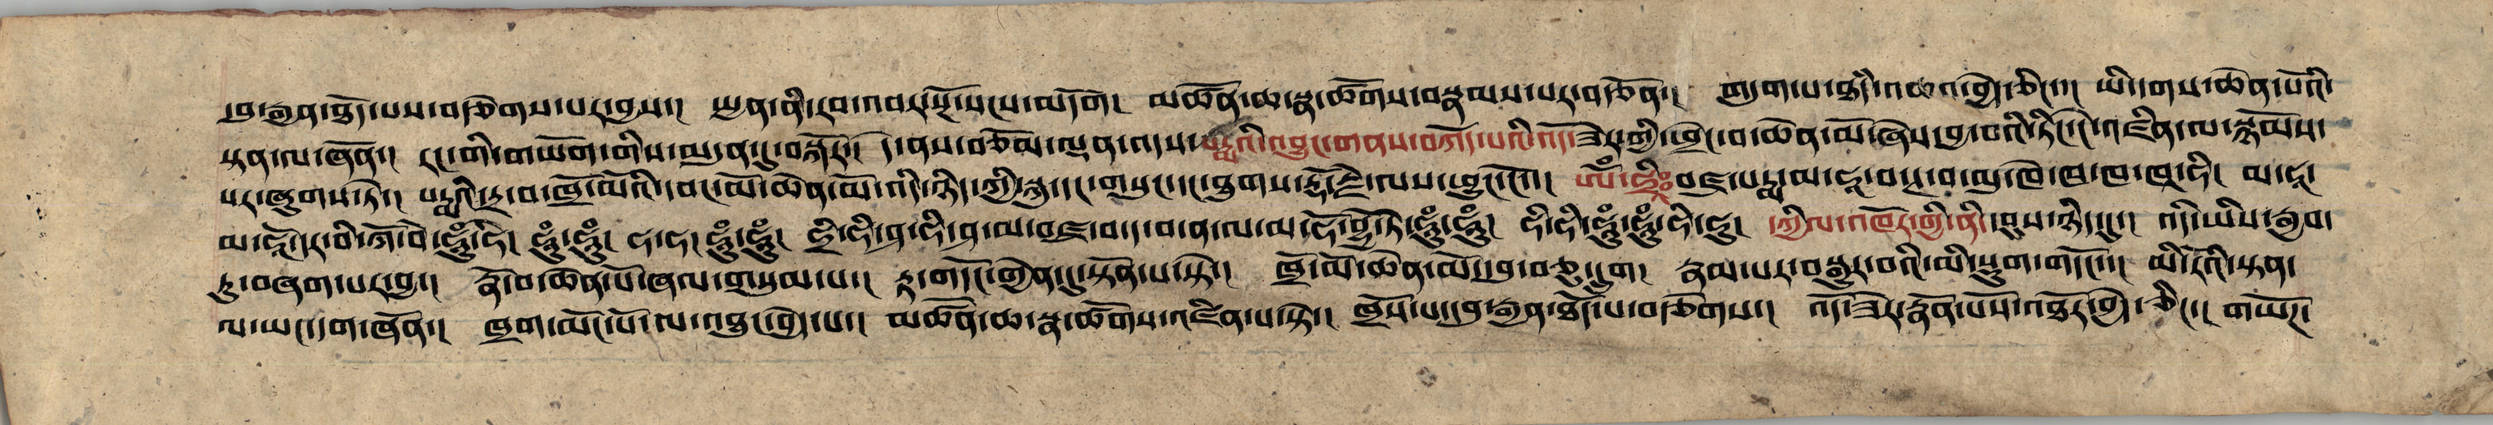དབུ་རྒྱན་ཐོད་པས་བརྩེགས་པར་བྱས་། སྤྱན་ནི་རབ་འབར་སྔོ་སངས་མདོག། མཚོན་ཆ་སྣ་ཚོགས་བསྣམས་པར་བརྩོན་། གདུག་པ་ཐདཾ་འཆའ་བྱེད་ཅིང་་། ཡི་དགས་ཆེན་པོའི་
སྟན་ལ་ཞོན་། རང་གི་གཡོག་གིས་མདུན་དུ་བསྐོར་། དེ་ནས་བཅོམ་ལྡན་འདས་པདྨའི་འབྱུང་གནས་བཀོད་པའི་འོད་ཟེར་གྱི་ཕྲེང་བ་ཆེན་མོ་ཞེས་བྱ་བའི་ཏིང་ངེ་འཛིན་ལ་སྙོམས་
པར་ཞུགས་ཏེ་། པདྨའི་ཏྲ་བ་ཁྲོ་མོའི་དབང་མོ་ཆེན་མོ་འདི་ཉིད་ཀྱི་སྐུ་དང་གསུང་དང་ཐུགས་རྡོ་རྗེ་ལས་ཕྱུང་ངོ་་། ཨོཾ་ཧྲཱིཿབཛྲ་པདྨ་མ་ཧཱ་བ་ཊ་བ་མུ་ཁེ་ཁ་ཁ་ཁཱ་ཧི། མ་ཧཱ་
མ་ཧཱོ་དར་བི་ཀོ་བེ་ཧཱུཾ་ཧི། ཧཱུཾ་ཧཱུཾ། ཧ་ཧ་ཧཱུཾ་ཧཱུཾ། ཧྲི་ཧི་ཤ་ཧི་ཤ་མ་བཛྲ་བ་ད་བ་ན་ལ་མ་ཧོ་བྷྱོ་ཏེ་ཧཱུཾ་ཧཱུཾ། ཧི་ཧི་ཧཱུཾ་ཧཱུཾ་ཧི་ཧུ། དཀྱིལ་འཁོར་གྱི་ནི་དབུས་ཉིད་དུ་། འདི་ཡིས་རྒྱབ་
ཏུ་བཞག་པར་བྱ་། རྣོ་བ་ཆེན་པོ་ཞལ་གསུམ་པ་། རྟ་གདོང་གྱེན་དུ་སྟོན་པ་སྟེ་། ཁྲོ་མོ་ཆེན་མོ་དབུ་བཅུ་དྲུག། རྣམ་པར་བསྒྱུར་བའི་མི་སྡུག་གདོང་་། མི་རོའི་སྟན་
ལ་ཡང་དག་ཞོན་། ཁྲག་མོང་པོ་ལ་འཐུང་བྱདེ་པ་། མཚོན་ཆ་སྣ་ཚོགས་འཛིན་པ་སྟེ་། ཁྲོས་པ་དབུ་རྒྱན་ཐོད་པ་བརྩེགས་། འོད་ཟེར་རྣོན་པོས་འཐོར་བྱེད་ཅིང་། གཡོཌ་